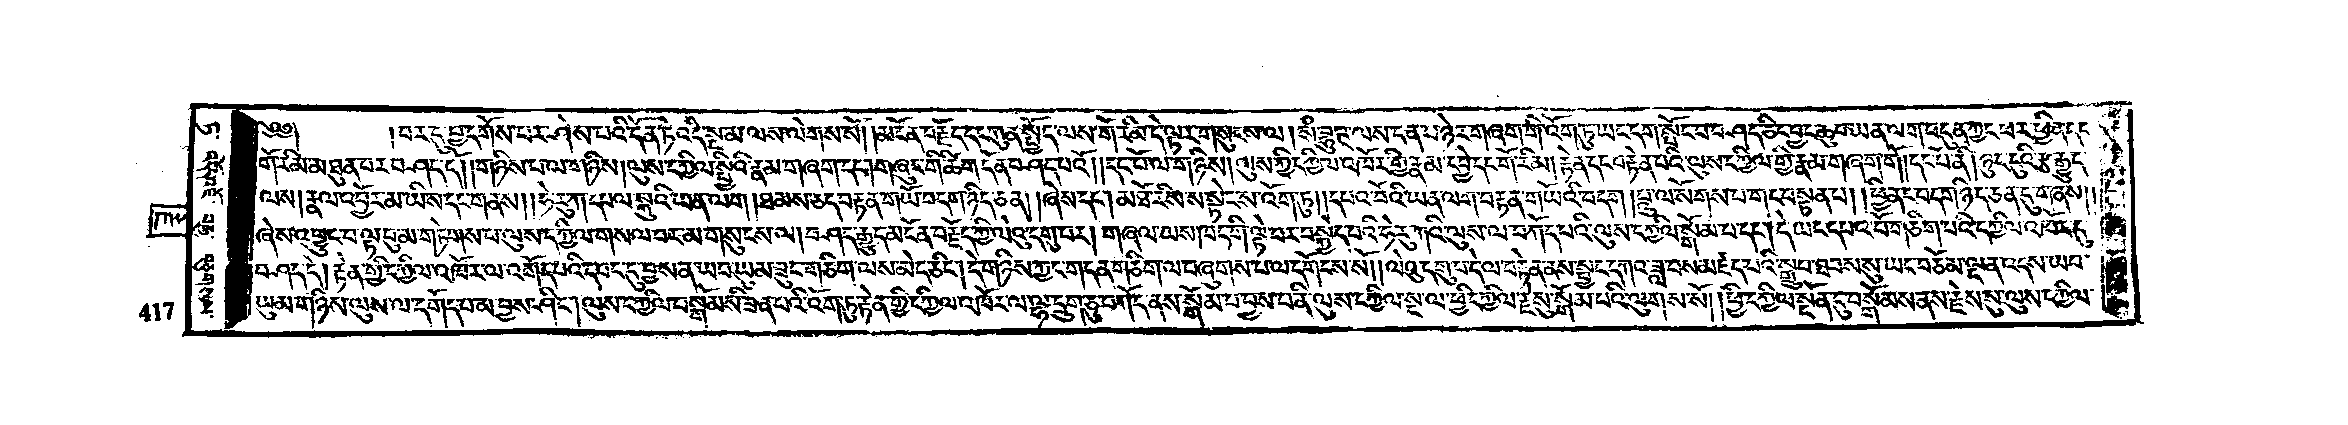༄༅། །བར་དུ་བྱ་དགོས་པར་ཤེས་པའི་དོན་ཏེ་འདི་སྔ་མ་ལས་ལེགས་སོ། །མངོན་བརྗོད་དང་ཀུན་སྤྱོད་ལས་གོ་རིམ་དེ་ལྟར་གསུངས་ལ། སཾ་བྷུ་ཊ་ལས་དྲན་པ་ཉེར་གཞག་གི་འོག་ཏུ་ཡང་དག་སྤོང་བ་བཤད་ཅིང་བྱང་ཆུབ་ཡན་ལག་བདུན་ཀྱང་ཕར་ཕྱིན་དང་
གོ་རིམ་མཐུན་པར་བཤད་དོ། །གཉིས་པ་ལ་གཉིས། ལུས་དཀྱིལ་སྤྱིའི་རྣམ་གཞག་དང་། གཞུང་གི་ཚིག་དོན་བཤད་པའོ། །དང་པོ་ལ་གཉིས། ལུས་ཀྱི་དཀྱིལ་འཁོར་གྱི་རྣམ་དབྱེ་དང་གོ་རིམ། རྟེན་དང་བརྟེན་པའི་ལུས་དཀྱིལ་འཁོར་གྱི་རྣམ་གཞག་གོ །དང་པོ་ནི། ཉུང་ངུའི་རྩ་རྒྱུད་
ལས། རྣལ་འབྱོར་མ་ཡིས་དང་གནས། །ཧེ་རུ་ཀ་དཔལ་སྐུའི་ཡན་ལག །ཐམས་ཅད་བརྟན་གཡོ་བདག་ཉིད་ཅན། །ཞེས་དང་། མཐོ་རིས་ས་སྟེང་ས་འོག་ཏུ། །དཔའ་བོའི་ཡན་ལག་བརྟན་གཡོའི་བདག །པཱུ་ལ་སོགས་པ་གང་བསྟན་པ། །ཕྱི་ནང་བདག་ཉིད་ཅན་དུ་གནས། །
ཞེས་འབྱུང་བ་ལྟ་བུ་མ་གཏེགས་པ་ལུས་དཀྱིལ་གསལ་བར་མ་གསུངས་ལ། བཤད་རྒྱུད་མངོན་བརྗོད་ཀྱི་ལེའུ་དགུ་བར། གཞལ་ཡས་ཁང་གི་ལྟེ་བར་བསྐྱེད་པའི་ཧེ་རུ་ཀའི་ལུས་ལ་བཀོད་པའི་ལུས་དཀྱིལ་སྒོམ་པ་དང་། དེ་ཡང་དཔའ་བོ་གཅིག་པའི་དཀྱིལ་འཁོར་དུ་
བཤད་དེ། རྟེན་གྱི་དཀྱིལ་འཁོར་ལ་འགོད་པའི་དབང་དུ་བྱས་ན་ཡབ་ཡུམ་ཟུང་གཅིག་ལས་མེད་ཅིང་། དེ་གཉིས་ཀྱང་གདན་གཅིག་ལ་བཞུགས་པ་ལ་དགོངས་སོ། །ལེའུ་དགུ་པ་དེ་ལ་བརྟེན་ནས་སྦྱང་དཀའ་ཟླ་བས་མཛད་པའི་སྒྲུབ་ཐབས་སུ་ཡང་བཅོམ་ལྡན་འདས་ཡབ་
ཡུམ་གཉིས་ལུས་ལ་དགོད་པ་མ་བྱས་ཤིང་། ལུས་དཀྱིལ་བསྒོམས་ཟིན་པའི་འོག་ཏུ་རྟེན་གྱི་དཀྱིལ་འཁོར་ལ་ལྷ་དྲུག་ཅུ་བཀོད་ནས་སྒོམ་པ་བྱས་པ་ནི་ལུས་དཀྱིལ་སྔ་ལ་ཕྱི་དཀྱིལ་རྗེས་སུ་སྒོམ་པའི་ལུགས་སོ། །ཕྱི་དཀྱིལ་སྔོན་དུ་བསྒོམས་ནས་རྗེས་སུ་ལུས་དཀྱིལ་